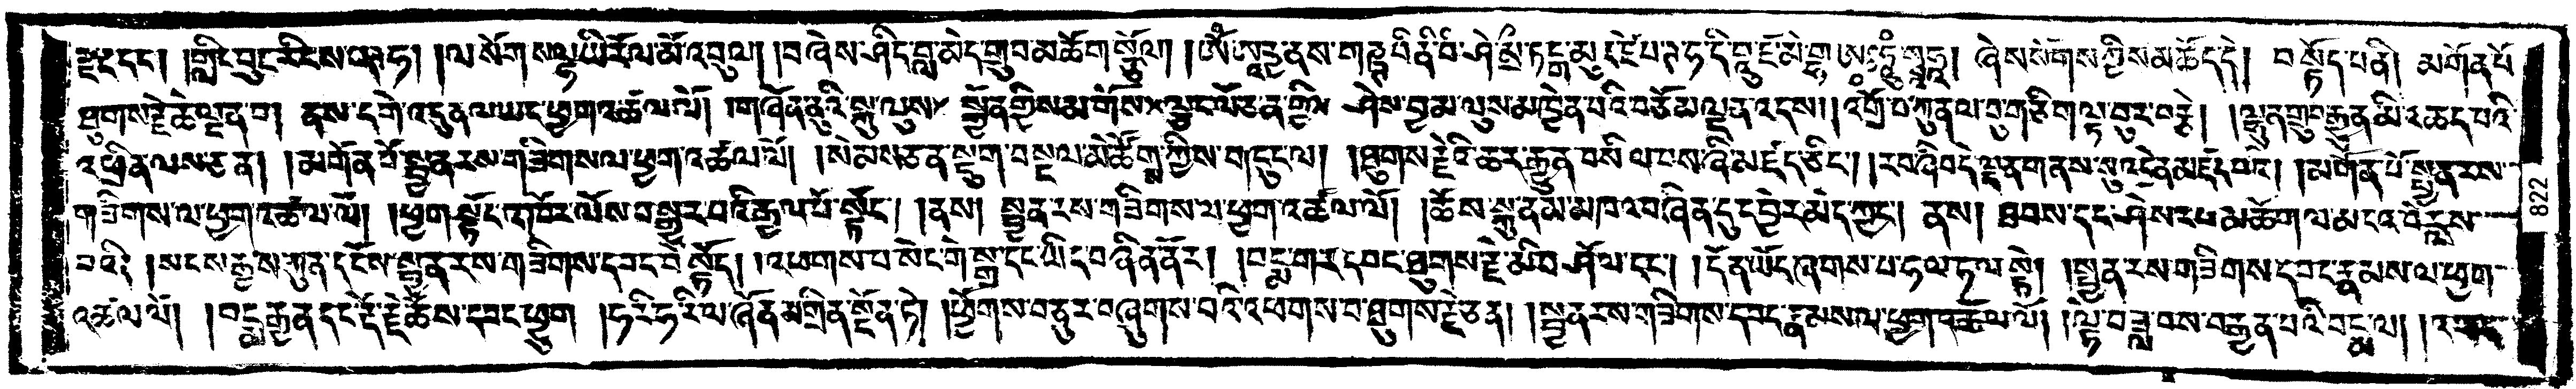རྫང་དང་། །གླིང་བུ་རྔ་རིང་ས་པཊ་ཧ། །ལ་སོགས་ལྟ་ཡི་རོལ་མོ་འབུལ། །བཞེས་ཤིང་བླ་མེད་གྲུབ་མཆོག་སྩོལ། །ཨོཾ་ཨཱརྱ་ནས་གཎྚ་བི་ནི་བི་ཤེ་མྲྀ་ཏ་ངྒ་མུར་ཛེ་པ་ཊ་ཧ་དི་བཱུ་ཇོ་མེ་གྷ་ཨཿཧཱུཾ་སྭཱཧཱ། ཞེས་སོགས་ཀྱིས་མཆོད་དེ། བསྟོད་པ་ནི། མགོན་པོ་
ཐུགས་རྗེ་ཆེ་ལྡན་པ། ནས་དགེ་འདུན་ལ་ཡང་ཕྱག་འཚལ་ལོ། །གཞོན་ནུའི་སྐུ་ལུས། སྐྱོང་གྱིས་མགོས་྾་ལྕང་ལོ་ཅན་གྱི་྾་ཤེས་བྱ་མ་ལུས་མཁྱེན་པའི་བཅོམ་ལྡན་འདས། །འགྲོ་བ་ཀུན་ལ་བུ་གཅིག་ལྟ་བུར་བརྩེ། །ལྷུན་གྲུབ་རྒྱུན་མི་འཆད་པའི་
འཕྲེན་ལས་ཅན། །མགོན་པོ་སྤྱན་རས་གཟིགས་ལ་ཕྱག་འཚལ་ལོ། །སེམས་ཅན་སྡུག་བསྔལ་མེ་ཚོགས་ཀྱིས་གདུང་ལ། །ཐུགས་རྗེའི་ཆར་རྒྱུན་བསིལ་པས་ཞི་མཛད་ཅིང་། །རབ་ཞི་བདེ་ལྡན་གནས་སུ་འདྲེན་མཛད་པའི། །མགོན་པོ་སྤྱན་རས་
གཟིགས་ལ་ཕྱག་འཚལ་ལོ། །ཕྱག་སྟོང་འཁོར་ལོས་བསྒྱུར་བའི་རྒྱལ་པོ་སྟོང་། །ནས། སྤྱན་རས་གཟིགས་ལ་ཕྱག་འཚལ་ལོ། །ཆོས་སྐུ་ནམ་མཁའ་བཞིན་དུ་དབྱེར་མེད་ཀྱང་། ནས། ཐབས་དང་ཤེས་རབ་མཆོག་ལ་མངའ་བརྙས་
བའི༑ །སངས་རྒྱས་ཀུན་དངོས་སྤྱན་རས་གཟིགས་དབང་པོ་སྟོང་། །འཕགས་པ་སེང་གེ་སྒྲ་དང་ཡིད་བཞིན་ནོར། །པདམ་གར་དབང་ཐུགས་རྗེ་མི་བཤོལ་དང་། །དོན་ཡོད་ཞགས་པ་ཧལ་ཏལ་སྟེ། །སྤྱན་རས་གཟིགས་དབང་རྣམས་ལ་ཕྱག་
འཚལ་ལོ། །པདམ་རྒྱན་དང་རྡོ་རྗེ་ཆོས་དབང་ཕྱུག །ཧ་རི་ཧ་རི་ལ་ཞོན་མགྲིན་སྔོན་ཏེ། །ཕྱོགས་བཅུར་བཞུགས་པའི་འཕགས་པ་ཐུགས་རྗེ་ཅན། །སྤྱན་རས་གཟིགས་དབང་རྣམས་ལ་ཕྱག་འཚལ་ལོ། །ལྟེ་བཟླ་བས་བརྒྱན་པའི་པདམ་ལ། །འབར་